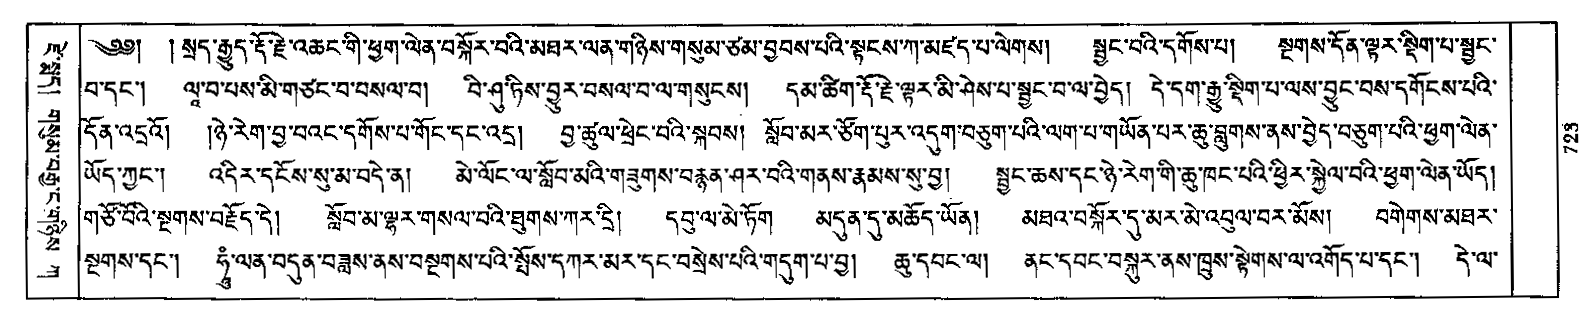༄༅། །སྲད་རྒྱུད་རྡོ་རྗེ་འཆང་གི་ཕྱག་ལེན་བསྐོར་བའི་མཐར་ལན་གཉིས་གསུམ་ཙམ་བྱབས་པའི་སྟངས་ཀ་མཛད་པ་ལེགས། སྦྱང་བའི་དགོས་པ། སྔགས་དོན་ལྟར་སྡིག་པ་སྦྱང་
བ་དང་། ལཱ་བ་པས་མི་གཙང་བ་བསལ་བ། བི་ཤུ་ཏིས་བྱུར་བསལ་བ་ལ་གསུངས། དམ་ཚིག་རྡོ་རྗེ་ལྟར་མི་ཤེས་པ་སྦྱང་བ་ལ་བྱེད། དེ་དག་རྒྱུ་སྡིག་པ་ལས་བྱུང་བས་དགོངས་པའི་
དོན་འདྲའོ། །ཉེ་རེག་བྱ་བའང་དགོས་པ་གོང་དང་འདྲ། བྱ་ཚུལ་ཕྲེང་བའི་སྐབས། སློབ་མར་ཙོག་པུར་འདུག་བཅུག་པའི་ལག་པ་གཡོན་པར་ཆུ་བླུགས་ནས་བྱེད་བཅུག་པའི་ཕྱག་ལེན་
ཡོད་ཀྱང་། འདིར་དངོས་སུ་མ་བདེ་ན། མེ་ལོང་ལ་སློབ་མའི་གཟུགས་བརྙན་ཤར་བའི་གནས་རྣམས་སུ་བྱ། སྦྱང་ཆས་དང་ཉེ་རེག་གི་ཆུ་ཁང་པའི་ཕྱིར་སྐྱེལ་བའི་ཕྱག་ལེན་ཡོད།
གཙོ་བོའི་སྔགས་བརྗོད་དེ། སློབ་མ་ལྷར་གསལ་བའི་ཐུགས་ཀར་དྲི། དབུ་ལ་མེ་ཏོག་མདུན་དུ་མཆོད་ཡོན། མཐའ་བསྐོར་དུ་མར་མེ་འབུལ་བར་མོས། བགེགས་མཐར་
སྔགས་དང་། ཧཱུཾ་ལན་བདུན་བཟླས་ནས་བསྔགས་པའི་སྤོས་དཀར་མར་དང་བསྲེས་པའི་གདུག་པ་བྱ། ཆུ་དབང་ལ། ནང་དབང་བསྐུར་ནས་ཁྲུས་སྟེགས་ལ་འགོད་པ་དང་། དེ་ལ་